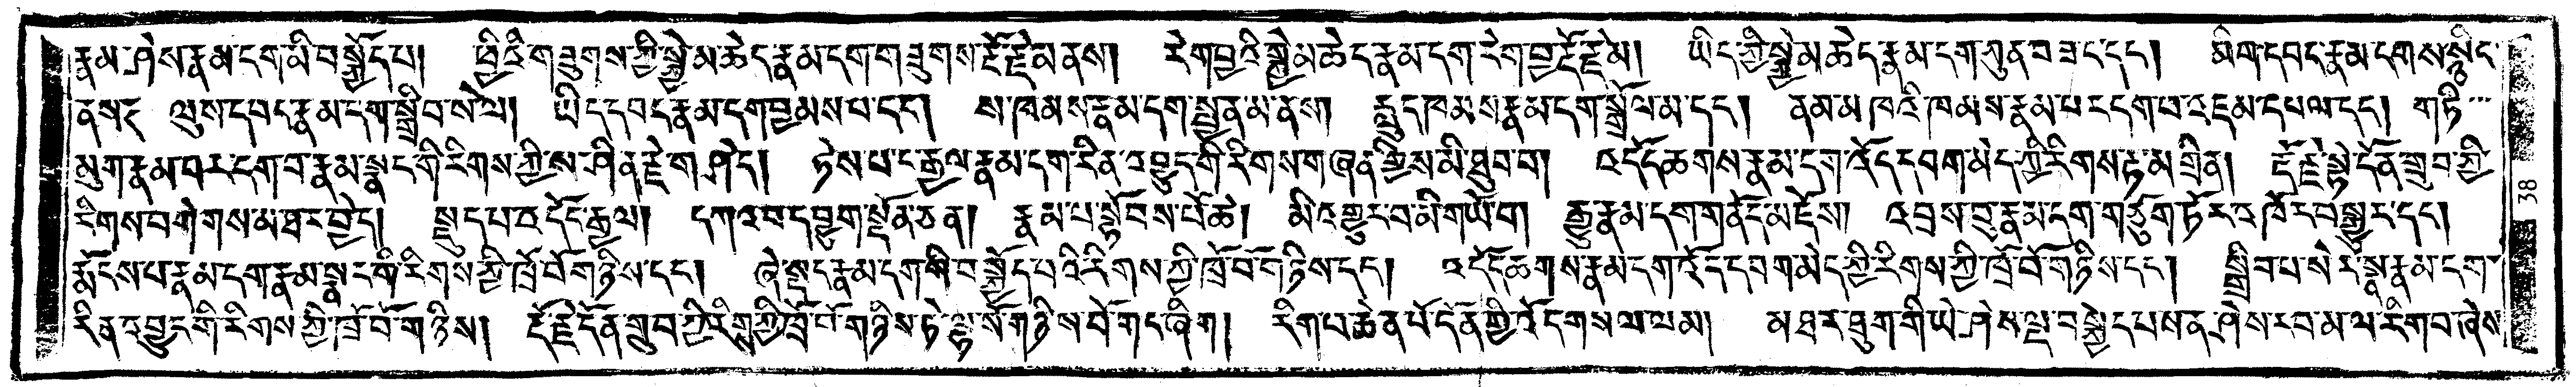རྣམ་ཤེས་རྣམ་དག་མི་བསྐྱོད་པ། ཕྱིའི་གཟུགས་ཀྱི་སྐྱེ་མཆེད་རྣམ་དག་གཟུགས་རྡོ་རྗེ་མ་ནས། རེག་བྱའི་སྐྱེ་མཆེད་རྣམ་དག་རེག་བྱ་རྡོ་རྗེ་མ། ཡིད་ཀྱི་སྐྱེ་མཆེད་རྣམ་དག་ཀུན་བཟང་དང་། མིག་དབང་རྣམ་དགས་སྙིང་
ནས༑ ལུས་དབང་རྣམ་དག་སྒྲིབ་སེལ། ཡིད་དབང་རྣམ་དག་བྱམས་པ་དང་། ས་ཁམས་རྣམ་དག་སྤྱན་མ་ནས། རླུང་ཁམས་རྣམ་དག་སྒྲོལ་མ་དང་། ནམ་མཁའི་ཁམས་རྣམ་པར་དག་པ་འཇམ་དཔལ་དང་། གཏི་
མུག་རྣམ་པར་དག་པ་རྣམ་སྣང་གི་རིགས་ཀྱིས་ཤིན་རྗེ་གཤེད། ཉེས་པ་ང་རྒྱལ་རྣམ་དག་རིན་འབྱུང་གི་རིགས་གཞན་གྱིས་མི་ཐུབ་པ། འདོད་ཆགས་རྣམ་དག་འོད་དཔག་མེད་ཀྱི་རིགས་རྟ་མགྲིན། རྡོ་རྗེ་སྟེ་དོན་གྲུབ་ཀྱི་
རིགས་བགེགས་མཐར་བྱེད། སྡུད་པ་འདོད་རྒྱལ། དཀའ་བ་དབྱུག་སྔོན་ཅན། རྣམ་པ་སྟོབས་པོ་ཆེ། མི་འགྱུར་བ་མི་གཡོ་བ། རྒྱུ་རྣམ་དག་གནོད་མཛེས། འབྲས་བུ་རྣམ་དག་གཙུག་ཏོར་འཁོར་བསྒྱུར་དང་།
རྨོངས་པ་རྣམ་དག་རྣམ་སྣང་གི་རིགས་ཀྱི་ཁྲོ་བོ་གཉིས་དང་། ཞེ་སྡང་རྣམ་དག་གི?་བསྐྱོད་པའི་རིགས་ཀྱི་ཁྲོ་བོ་གཉིས་དང་། འདོད་ཆགས་རྣམ་དག་འོད་དཔག་མེད་ཀྱི་རིགས་ཀྱི་ཁྲོ་བོ་གཉིས་དང་། སྒྲིབ་པ་སེར་སྣ་རྣམ་དག་
རིན་འབྱུང་གི་རིགས་ཀྱི་ཁྲོ་བོ་གཉིས། རྡོ་རྗེ་དོན་གྲུབ་ཀྱི་ཁྲོ་བོ་གཉིས་ཏེ་ལྷ་སོ་གཉིས་པོ་གང་ཞིག། རིག་པ་ཆེན་པོ་དོན་གྱི་འོད་གསལ་ལམ། མཐར་ཐུག་གི་ཡེ་ཤེས་ལྔ་བསྐྱེད་པས་ན་ཤེས་རབ་མ་ལ་རིག་བ་ཞེས་